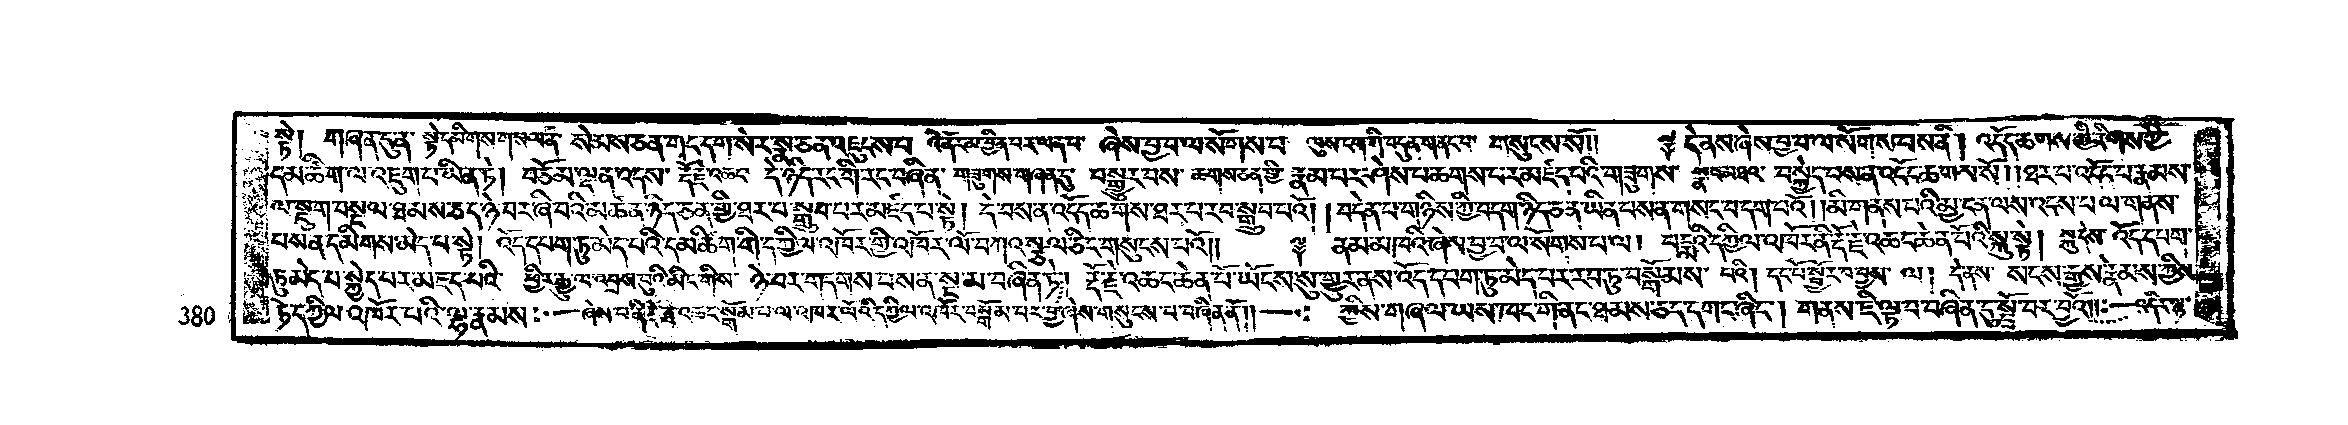སྟེ། གཞན་དུ་ན་སྟེ་དམིགས་གསལ་ནི་སེམས་ཅན་གང་དག་སེར་སྣ་ཅན་འཇུངས་པའི་ནོར་མ་བྱིན་པར་ལན་པ་ཞེས་བྱ་བ་ལ་སོགས་པ་ལུས་ངག་གི་བདུན་གནང་བ་གསུངས་སོ།། ༈ དེ་ནས་ཞེས་བྱ་བ་ལ་སོགས་པས་ནི། འདོད་ཆགས་ཀྱི་རིགས་ཀྱི་
དམ་ཚིག་ལ་འཇུག་པ་ཡིན་ཏེ། བཅོམ་ལྡན་འདས་རྡོ་རྗེ་འཆང་དེ་ཉིད་རང་གི་རང་བཞིན་གཟུགས་གཞན་དུ་བསྒྱུར་བས་ཆགས་ཅན་གྱི་རྣམ་པར་ཤེས་པ་ཆགས་པར་མཛད་པའི་གཟུགས་སྣང་མཐའ་བསྐྱེད་པས་ན་འདོད་ཆགས་སོ། །ཐར་པ་འདོད་པ་རྣམས་
ལ་སྡུག་བསྔལ་ཐམས་ཅད་ཉེ་བར་ཞི་བའི་མཚན་ཉིད་ཅན་གྱི་ཐར་པ་སྒྲུབ་པར་མཛད་པ་སྟེ། དེ་བས་ན་འདོད་ཆགས་ཐར་པ་རབ་སྒྲུབ་པའོ། །བདེན་པ་གཉིས་ཀྱི་བདག་ཉིད་ཅན་ཡིན་པས་ན་གསང་བ་དག་པའོ། །མི་གནས་པའི་མྱ་ངན་ལས་འདས་པ་ལ་གནས་
པས་ན་དམིགས་མེད་པ་སྟེ། འོད་དཔག་ཏུ་མེད་པའི་དམ་ཚིག་གི་དཀྱིལ་འཁོར་གྱི་འཁོར་ལོ་བཀའ་སྩལ་ཅིང་གསུངས་པའོ།། ༈ ནམ་མཁའི་ཞེས་བྱ་བ་ལ་སོགས་པ་ལ། པདམའི་དཀྱིལ་འཁོར་ནི་རྡོ་རྗེ་འཆང་ཆེན་པོའི་སྐུ་སྟེ། སྐུ་དེས་འོད་དཔག་
ཏུ་མེད་པ་སྐྱེད་པར་མཛད་པའི་ཕྱིར་རྒྱུ་ལ་འབྲས་བུའི་མིང་གིས་ཉེ་བར་གདགས་པས་ན་སྔ་མ་བཞིན་ཏེ། རྡོ་རྗེ་འཆང་ཆེན་པོ་ཡོངས་སུ་གྱུར་ནས་འོད་དཔག་ཏུ་མེད་པར་རབ་ཏུ་བསྒོམས་པའི། དང་པོ་སྦྱོར་བ་བྱས་ལ། དེ་ནས་སངས་རྒྱས་རྣམས་ཀྱིས་
ཏེ་དཀྱིལ་འཁོར་པའི་ལྷ་རྣམས་ཞེས་པ་ནི་རྡོ་རྗེ་འཆང་སྒོམ་པ་ལ་འཕར་ལོའི་དཀྱིལ་འཁོར་བསྒོམ་པར་བྱ་ཞེས་གསུངས་པ་བཞིན་ནོ།།  ཀྱིས་གཞལ་ཡས་ཁང་གི་ནང་ཐམས་ཅད་དགོང་ཞིང་། གནས་ཇི་ལྟ་བ་བཞིན་དུ་སྤྲོ་བར་བྱའོ།། འདིར་ལྷ་